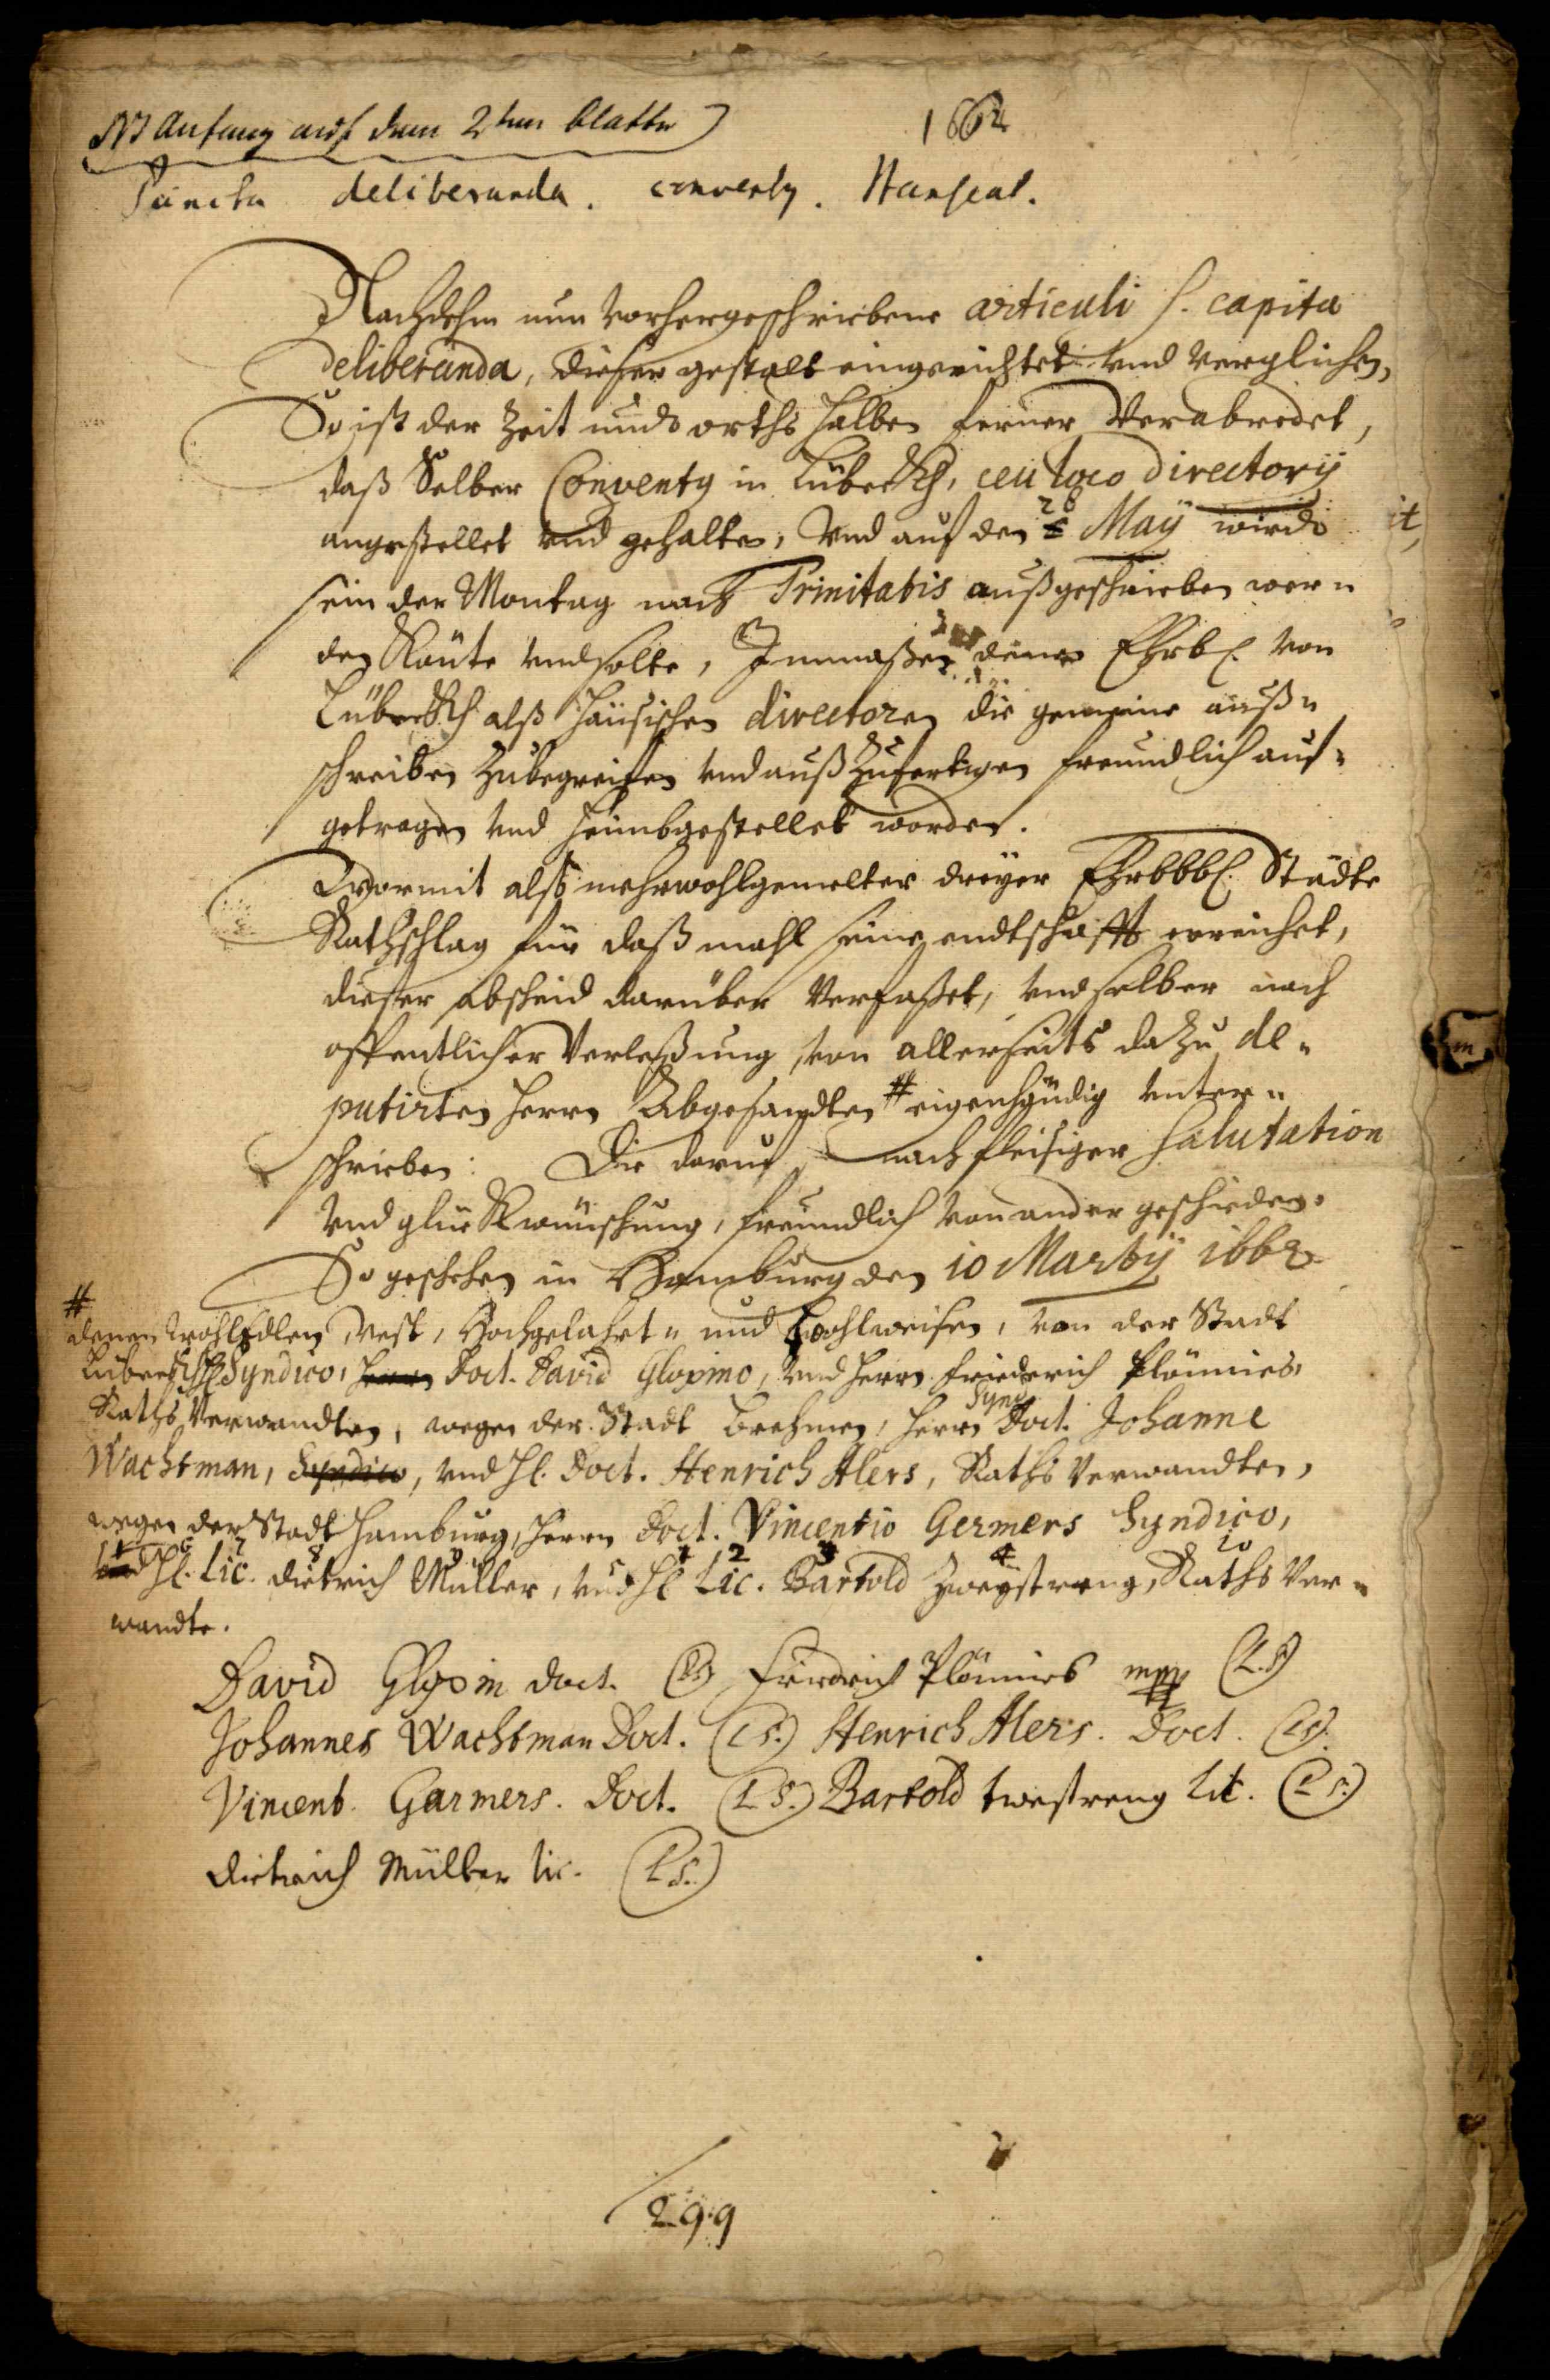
M Anfang auf dem 2ten blatte
1662
Puncta deliberanda conventus Hanseat.
Nachdehm nun vorhergeschriebene articuli s. capita
deliberanda, dieser gestalt eingerichtet vnnd verglichen,
So ist der zeit undt orths halben ferner Verabredet,
daß Selber Conventus in Lübeckh, cen loco directorij
angestellt vnnd gehalten, Vnd auf den 8 28 Maij wirdt
sein der Montag nach Trinitatis außgeschrieben wer¬
den Könte vndsolte, Inmaßen denen Ehrb. von
Lübeckh alß hänsichen directoren die gemeine auß¬
schreiben zubegreifen vnd auß zufertigen freundlich auf¬
getragen vnd heimbestellet worden.
Wormit also mehrwohlgemeldter dreijer Ehrbbb. Städte
Rathschlag für daß mahl seine endschaft erreichet,
dießer abscheid darüber Verfaßet, vnd selber nach
offentlicher Verleßung von allerseits dazu de¬
putirten herrn Abgesandten # eigenhändig vnter¬
schrieben: die daruf nach fleisiger salutation
vnd glückwünschung, freundlich von ander geschieden.
So geschehen in Hamburg den 10 Martij 1662
#
denen wohlEdlen, Vest, hochgelahrt= und hochlweisen, von der Stadt
Lubeckhh. Syndico, herrn Doct. David Gloxino, vnd herrn friederich Plönnies,
Raths Verwandten, wegen der Stadt Brehmen, herrn Synd Doct. Johanne
Wachtman, Syndico, vnd H. Doct. Henrich Alers, Raths Verwandten,
wegen der Stadt Hamburg, herrn Doct. Vincentio Germers Syndico,
1
6
7
8
9
1
2
3
4
10
vnd H. Lic. dietrich Müller, vnd H. Lic. Bartold Zwegstreng, Raths Ver¬
wandte.
David Gloxin Doct. L.S. Friedrich Plönnies mpp. L. S.
Johannes Wachtman Doct. L.S. Henrich Alers Doct. L. S.
Vincent. Garmers. Doct. L.S. Bartold twestreng Lic. L.S.
dietrich Müller lic. L.S.
299
